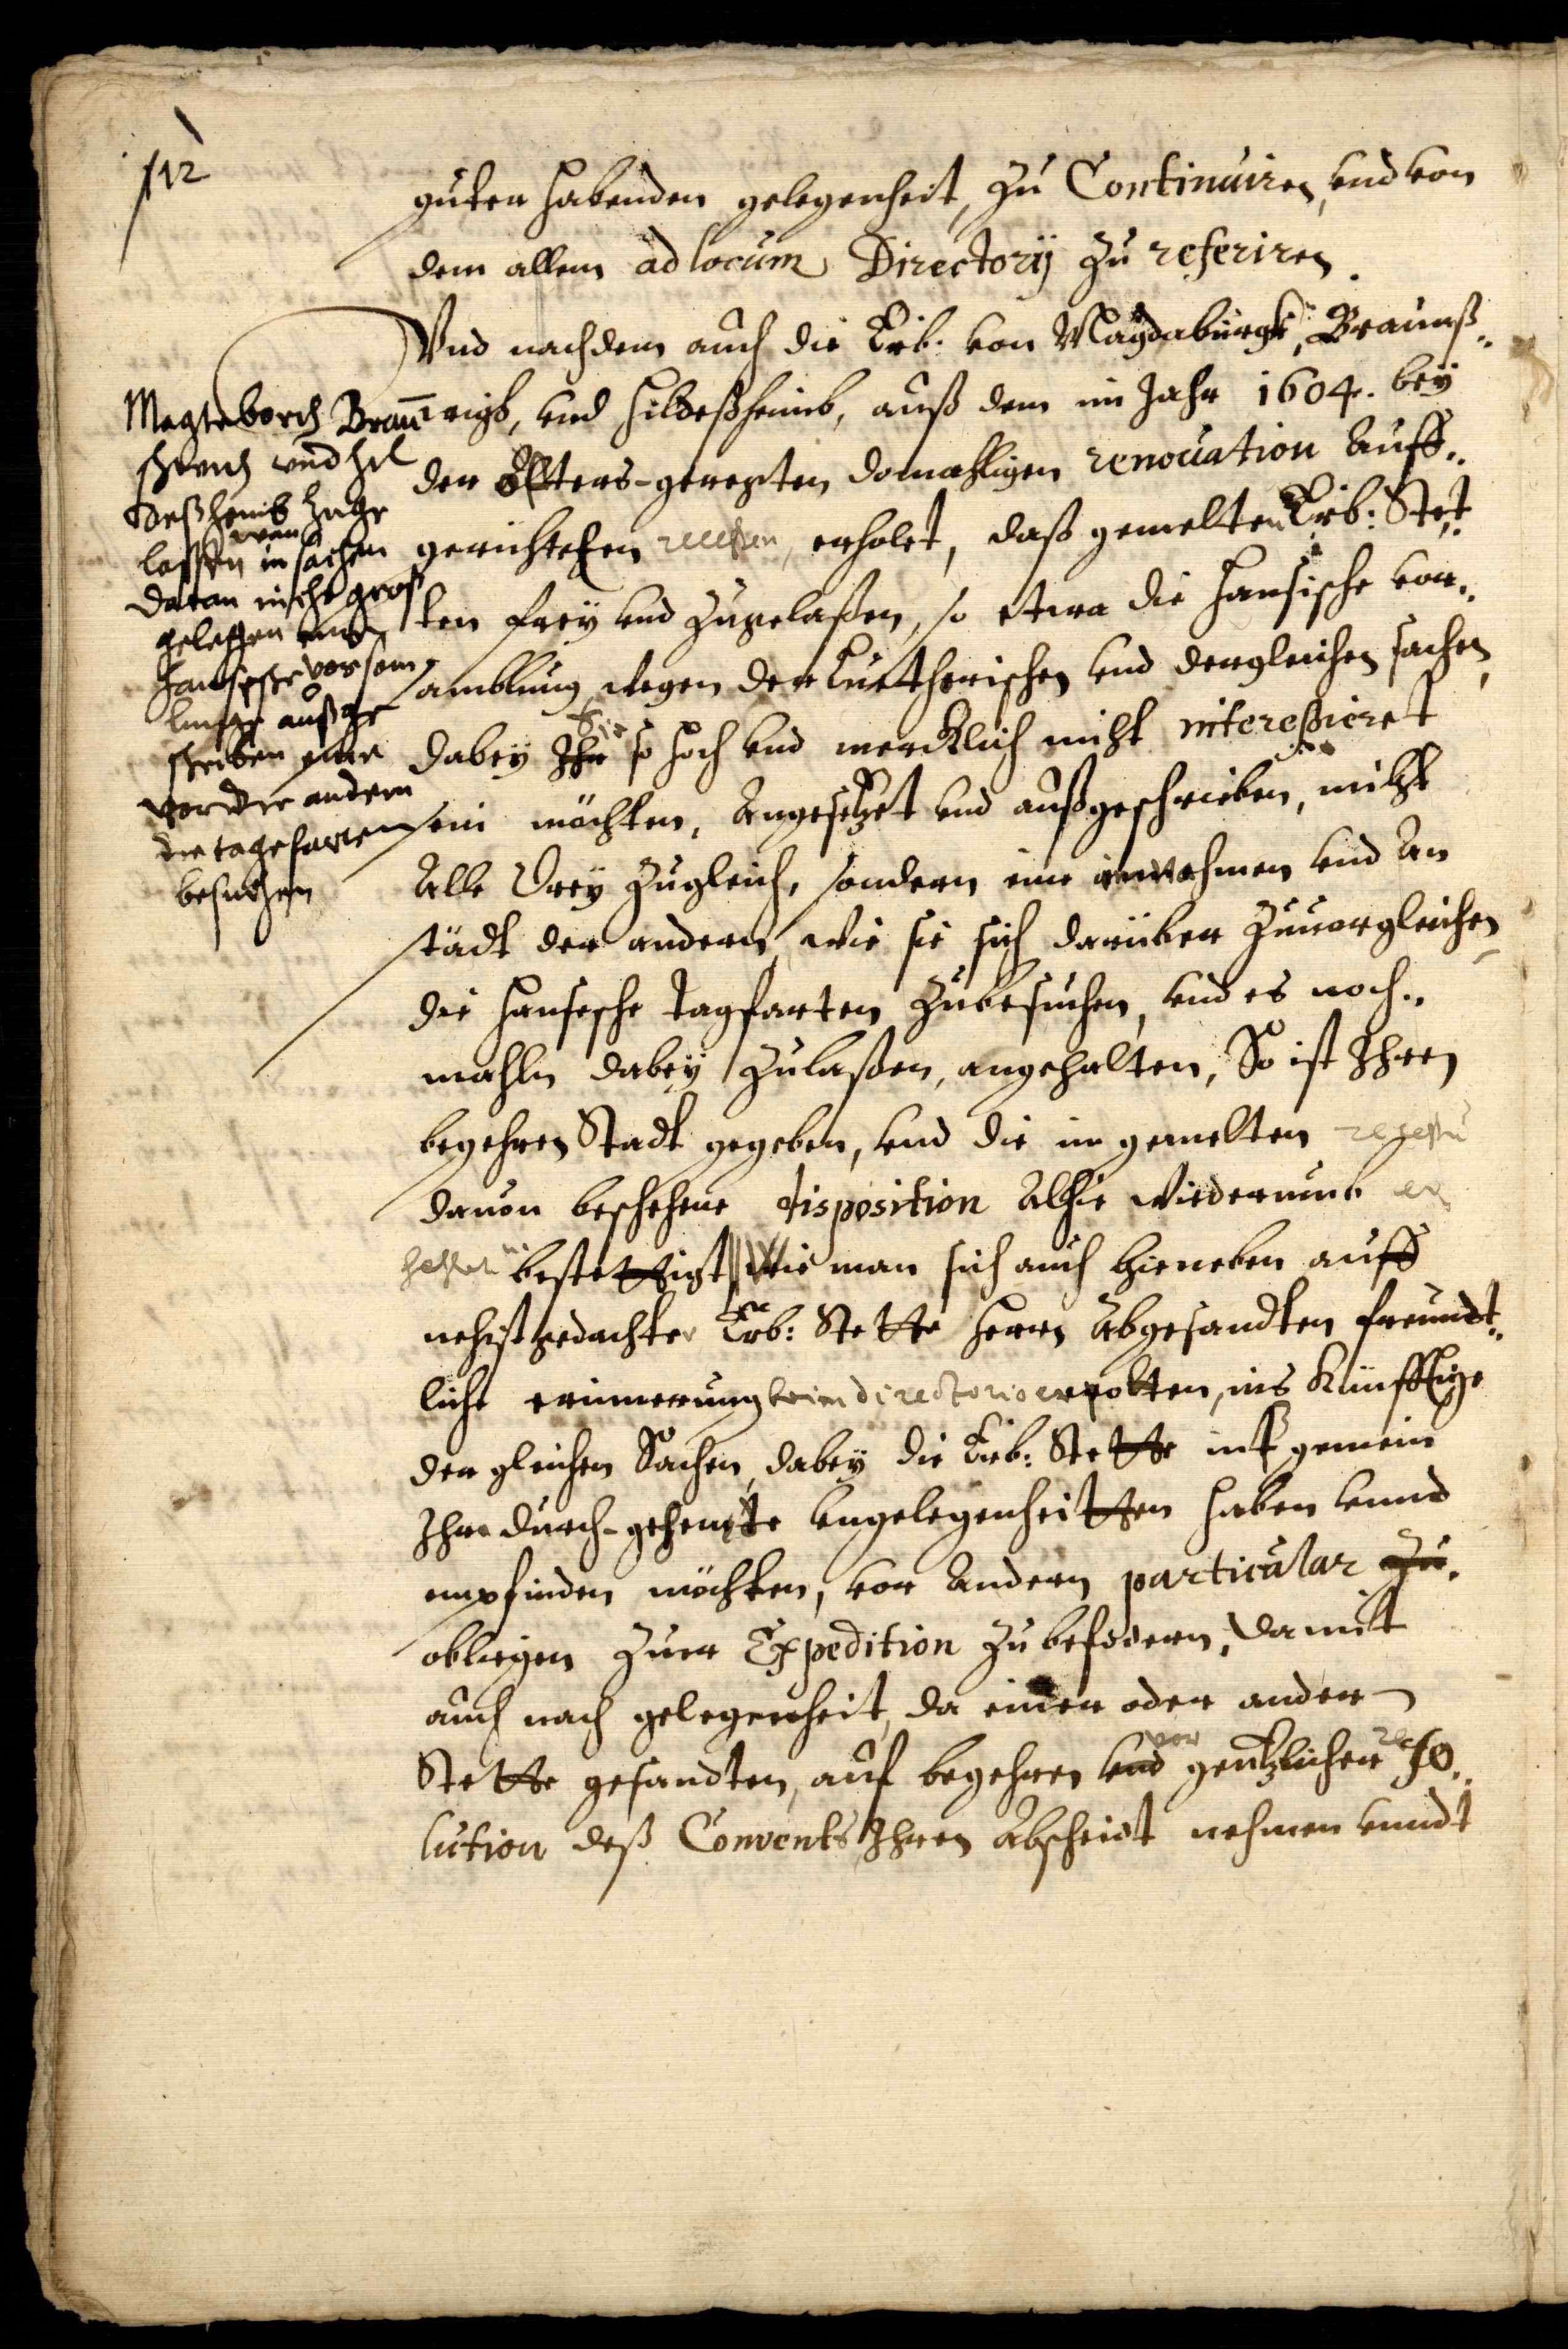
12
Magtebroch Braun¬
schwich vnd hil¬
deßhemb Zuge
wan
lassen in sachen
daran nicht groß
gelegen einer
hansesche vorsam
lunge außge
schriben eine
vorder andern
die tagefarten
besuchen
guter habenden gelegenheit, zu Continuiren, vnd von
dem allem ad locum Directorij zu referiren.
Vnd nachdem auch die Erb: von Magdaburgk, Braunß¬
wigh, vnd Hildeßheimb, auß dem im Jahr 1604. beij
der ofters-geregten domahligen renovation auff¬
gerichteten receßen, erholet, daß gemelten Erb; Stet¬
ten freij vnd Zugelaßen, so etwa die Hansische vor¬
samblung wegen der Luetherischen vnd dergleichen sachen
dabeij sie so hoch vnd mercklich nicht intereßieret
sein möchten, angesetzet vnd außgeschrieben, nicht
alle Dreij Zugleich, sonndern eine annehmen vnd an
städt der andern wie sie sich darüber Zuvorgleichen
die Hansesche tagfarten zubesuchen, vnd es noch¬
mahln dabeij zulaßen, angehalten, So ist ihren
begehren Stadt gegeben, vnd die im gemelten recessu
davon beschehene disposition alhie wiederumb er¬
hohlet bestettigt, Wie man sich auch hieneben auff
nehistgedachter Erb: Stette herrn abgesandten freundt¬
liche erinnerung beim directorio erpotten, ins künfftige
der gleichen Sachen, dabeij die Erb: Stette inßgemein
ihre durch-gehende vngelegenheitten haben vnnd
empfinden möchten, vor andern particular zu
obliegen zuer Expedition zu befodern, damit
auch nach gelegenheit, da einer oder ander
vor
Stette gesandten, auf begehren vnd gentzlicher reso¬
lution deß Convents ihren abscheidt nehmen vnndt
